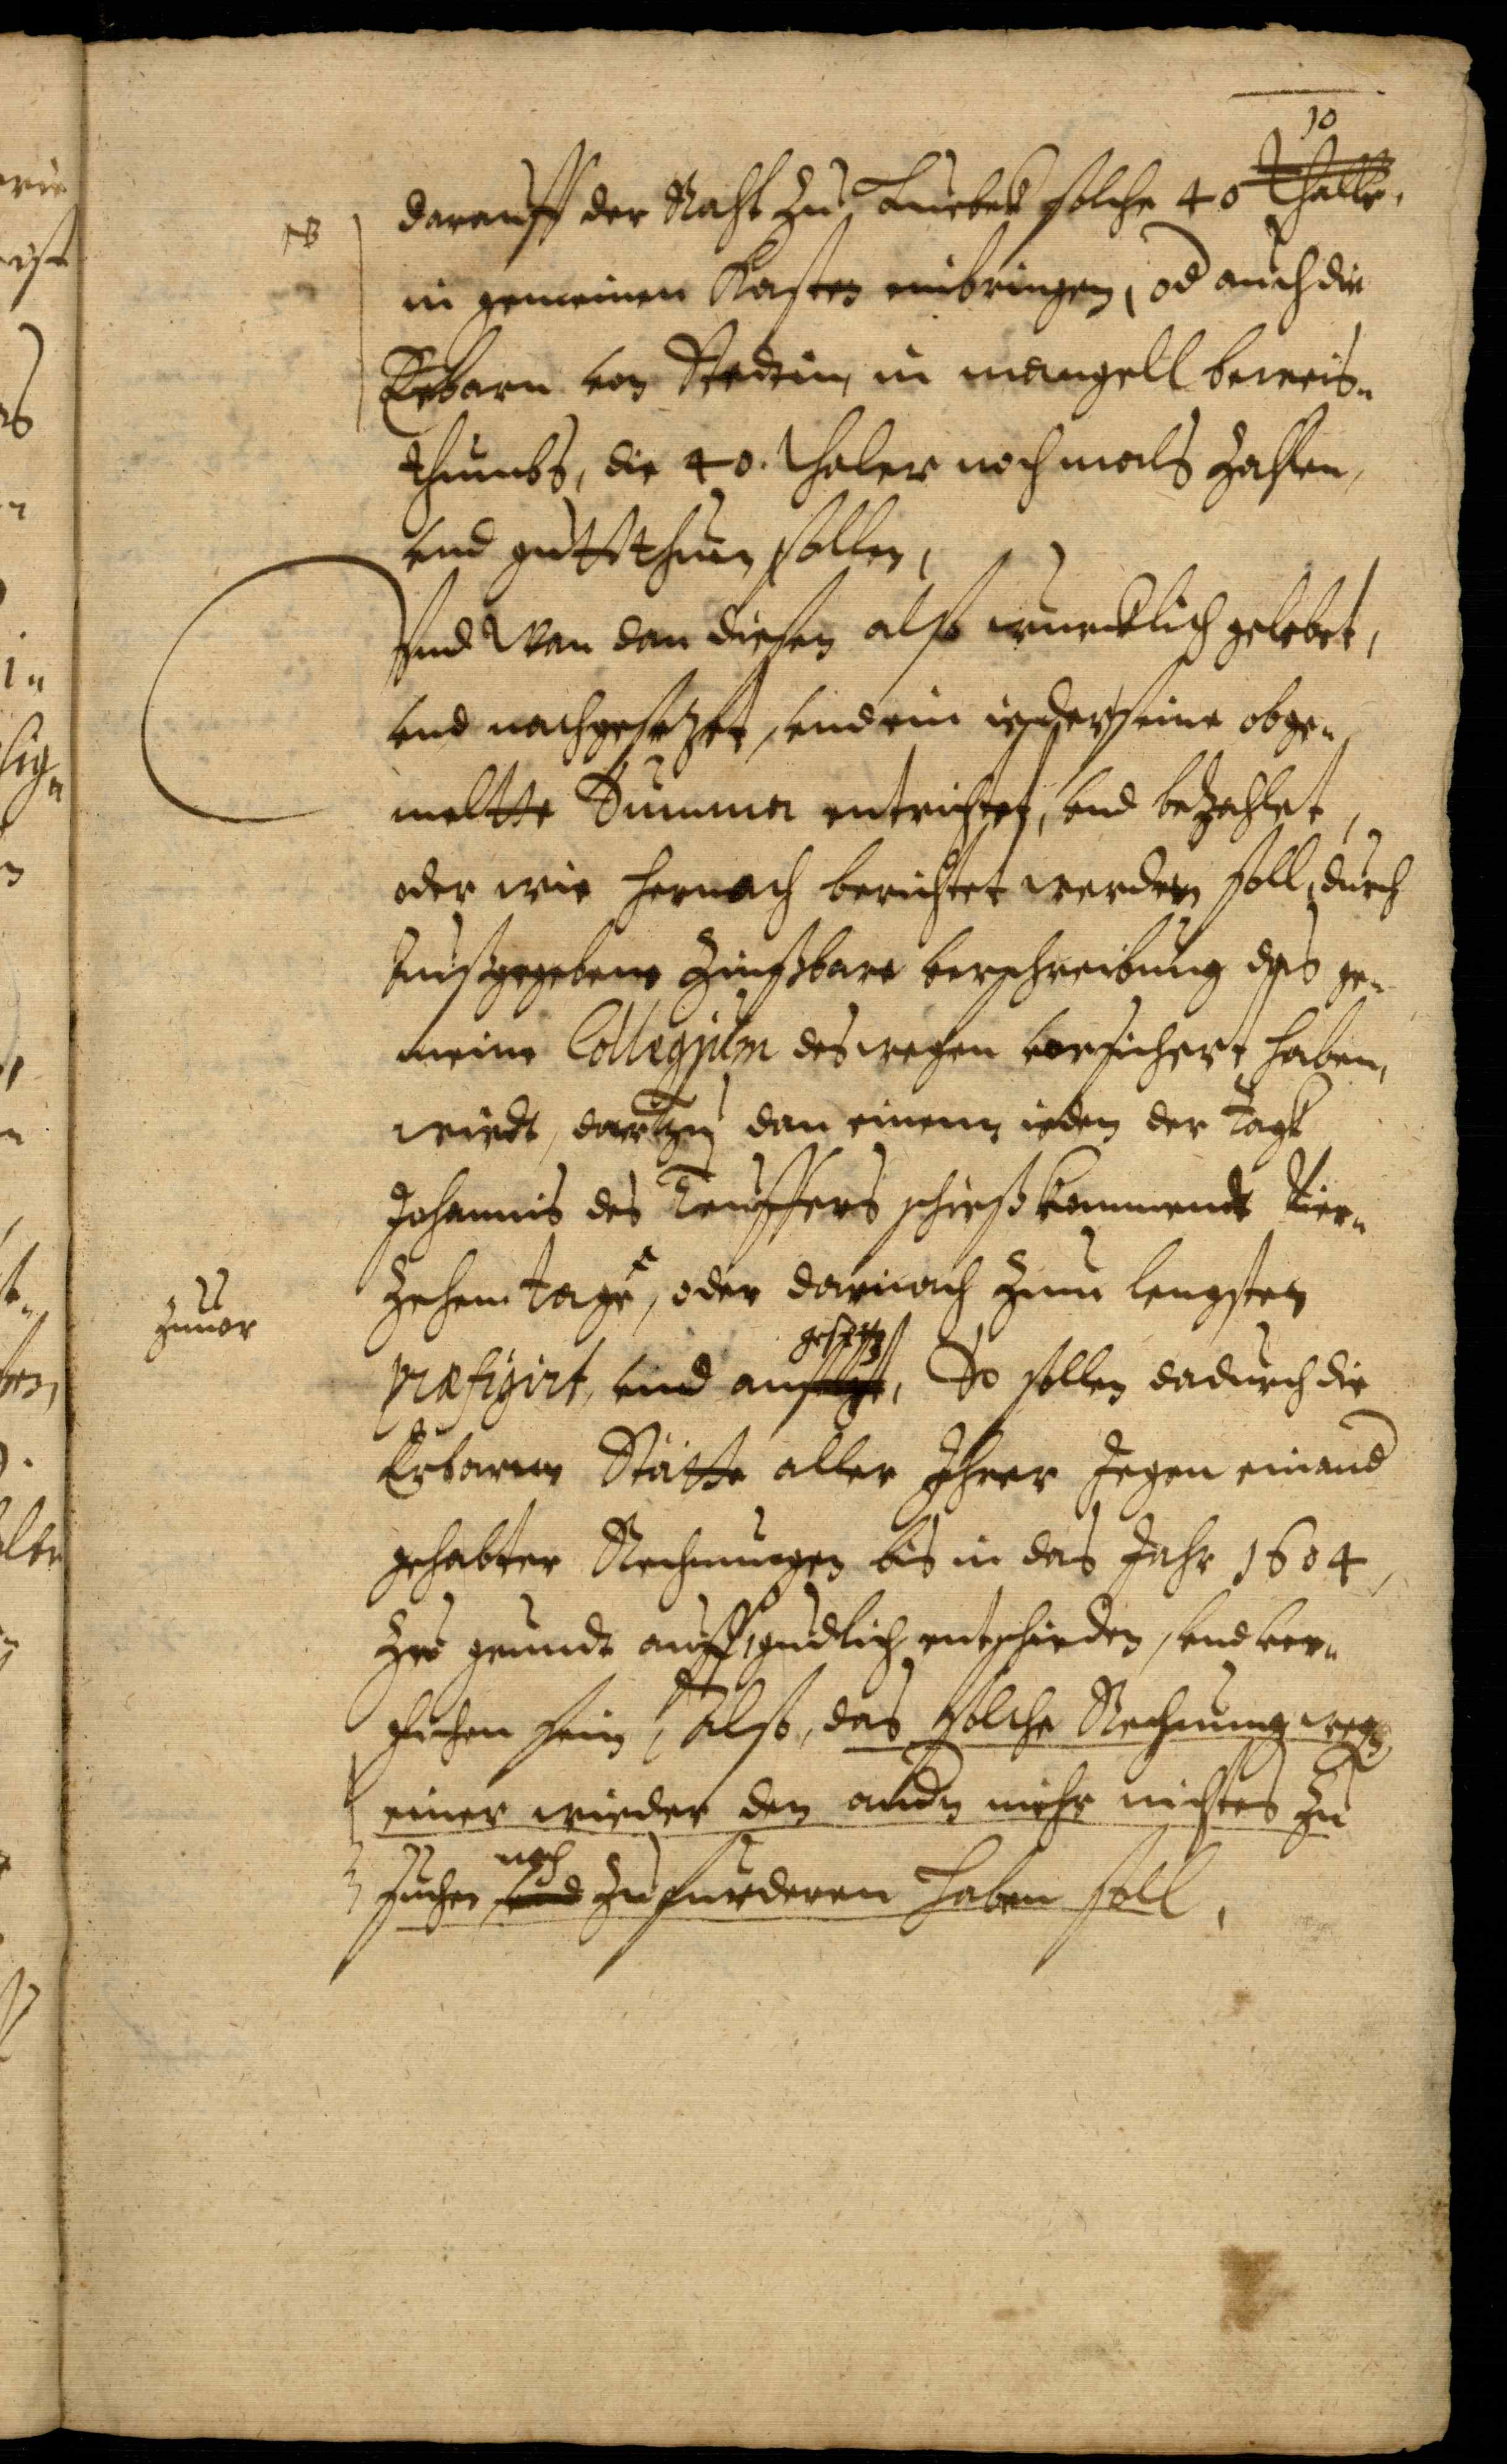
10
NB
darauff der Raht zu Luebek solche 40 Thaller.
in gemeine Kasten einbringen, oder auch die
Erbarn von Stedtin in mangell beweis¬
thumbs, die 40 thaler nochmals zahlen
vnd gutt thun sollen,
zuuor
Vnd wan dan dieses also wurklich gelobet,
vnd nachgesezet, vnd ein ieder seine obge¬
meltte Summa entrichtet, vnd bezahlet
oder wie hernach berichtet werden soll, durch
außgegebene zinßbare verschreibung das ge¬
meine Collegium deswegen vorsichert haben,
wirdt dartzu dan einem ieden der Tagk
Johannis des Teuffers schirß kommendt Vier¬
zehen tage F, oder darnach zum lengsten
praefigirt, vnd ansegtgesetz, So sollen dadurch die
Erbaren Stätte aller Ihrer Jegen einander
gehabter Rechnungen bis in das Jahr 1604,
zu grundt auff gudlich entschieden, vnd vor¬
glichen sein, Also, das solche Rechnung wegen
einer wieder den andern mehr nichtes zu
suchen vnd noch zu furderen haben soll,
